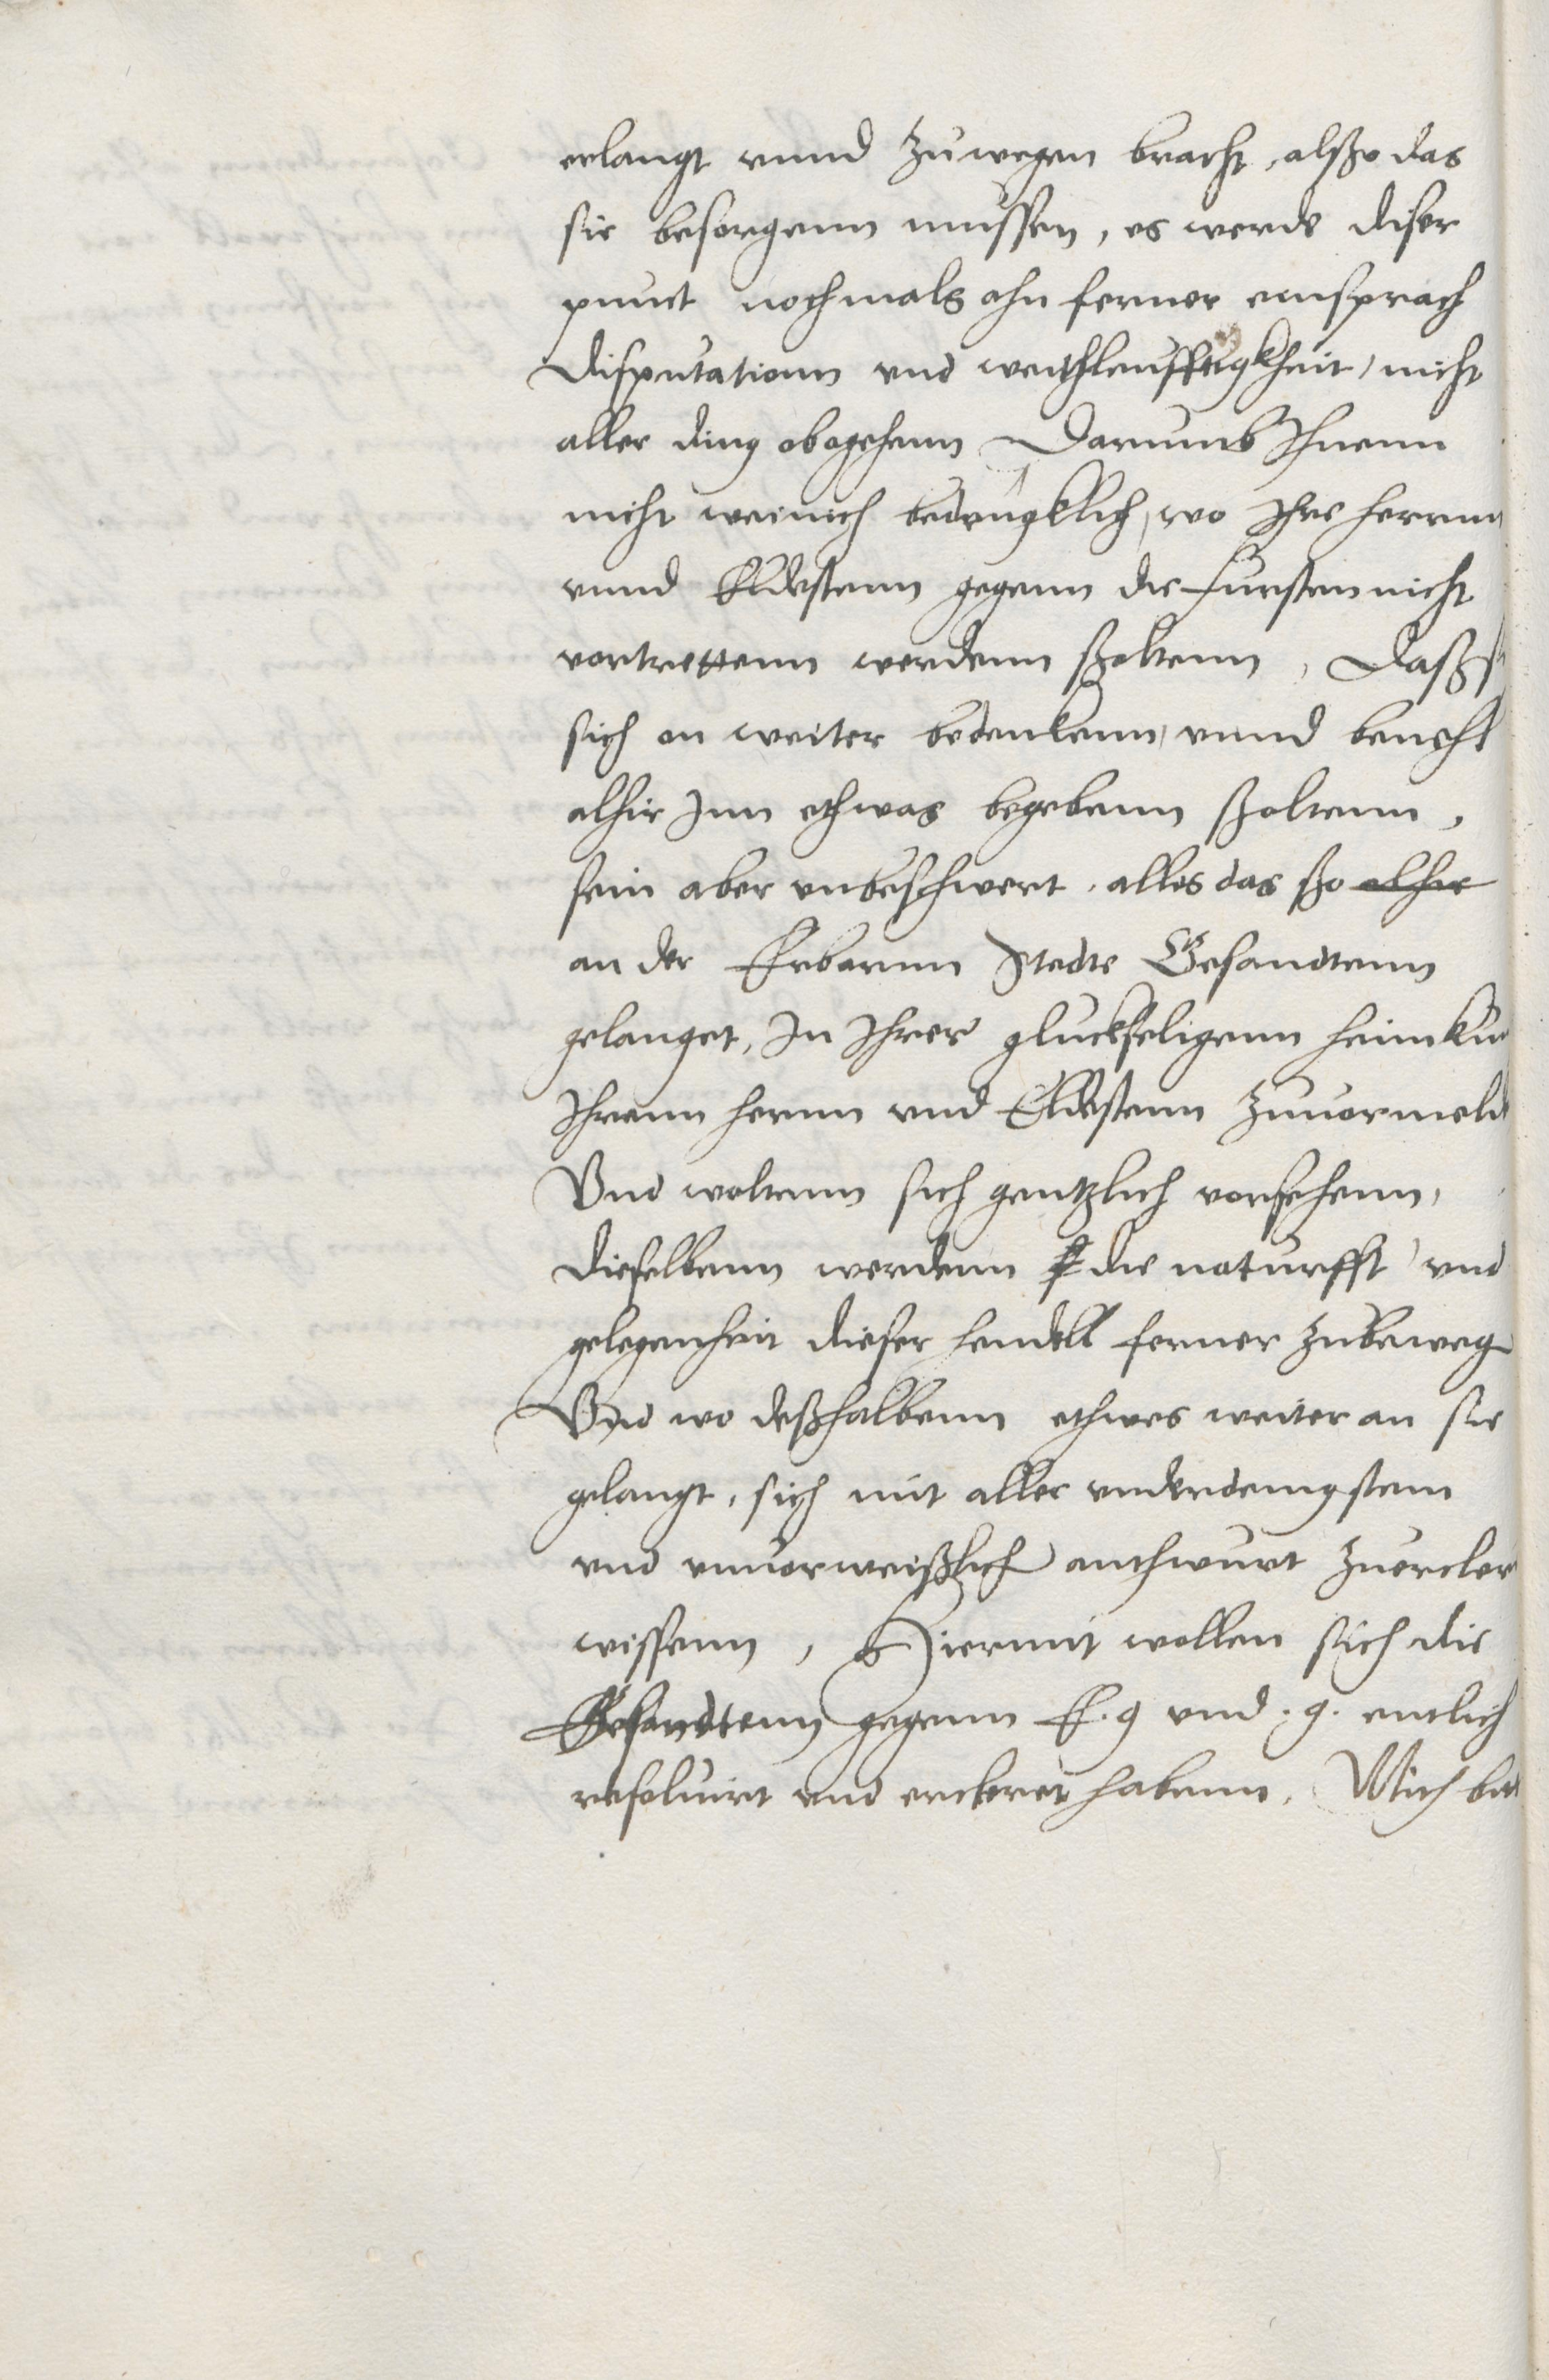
erlangt vnnd zuwegen bracht, alßo das
sie besorgenn mussen, es werde diser
punct nochmals ahn ferner einsprach
Disputationn vnd weithleufftigkheit, nicht
aller ding obogehenn Darumb jhnenn
nicht weinich bedengklich, wo jhre herrnn
vnnd Eldestenn gegenn die Fursten nicht
vortrettenn werdenn ßoltenn, Daßs
sich on weiter bedenkenn, vnnd beuehl
alhie jnn ethwas begebenn ßoltenn,
sein aber vnbeschwert, alles das ßo alhir
an der Erbarnn Stedte Gesandtenn
gelanget, jn jhrer gluckseligenn heimkur
jhrenn hernn vnd Eldestenn zuuormelden
Vnd woltenn sich gentzlich vorsehenn,
Dieselbenn werdenn f die noturfft vnd
gelegenheit dieser hendell ferner zubewegen
Vnd wo deßhalbenn ethwes weiter an sie
gelangt, sich mit aller vnderdenigstem
vnd vnuorweißlichen anthwurt zuercleren
wissenn, Hiermit wollen sich die
Gesandtenn gegenn E. g vnd g. entlich
resoluirt vnd ercleret habenn, Mith bitt
